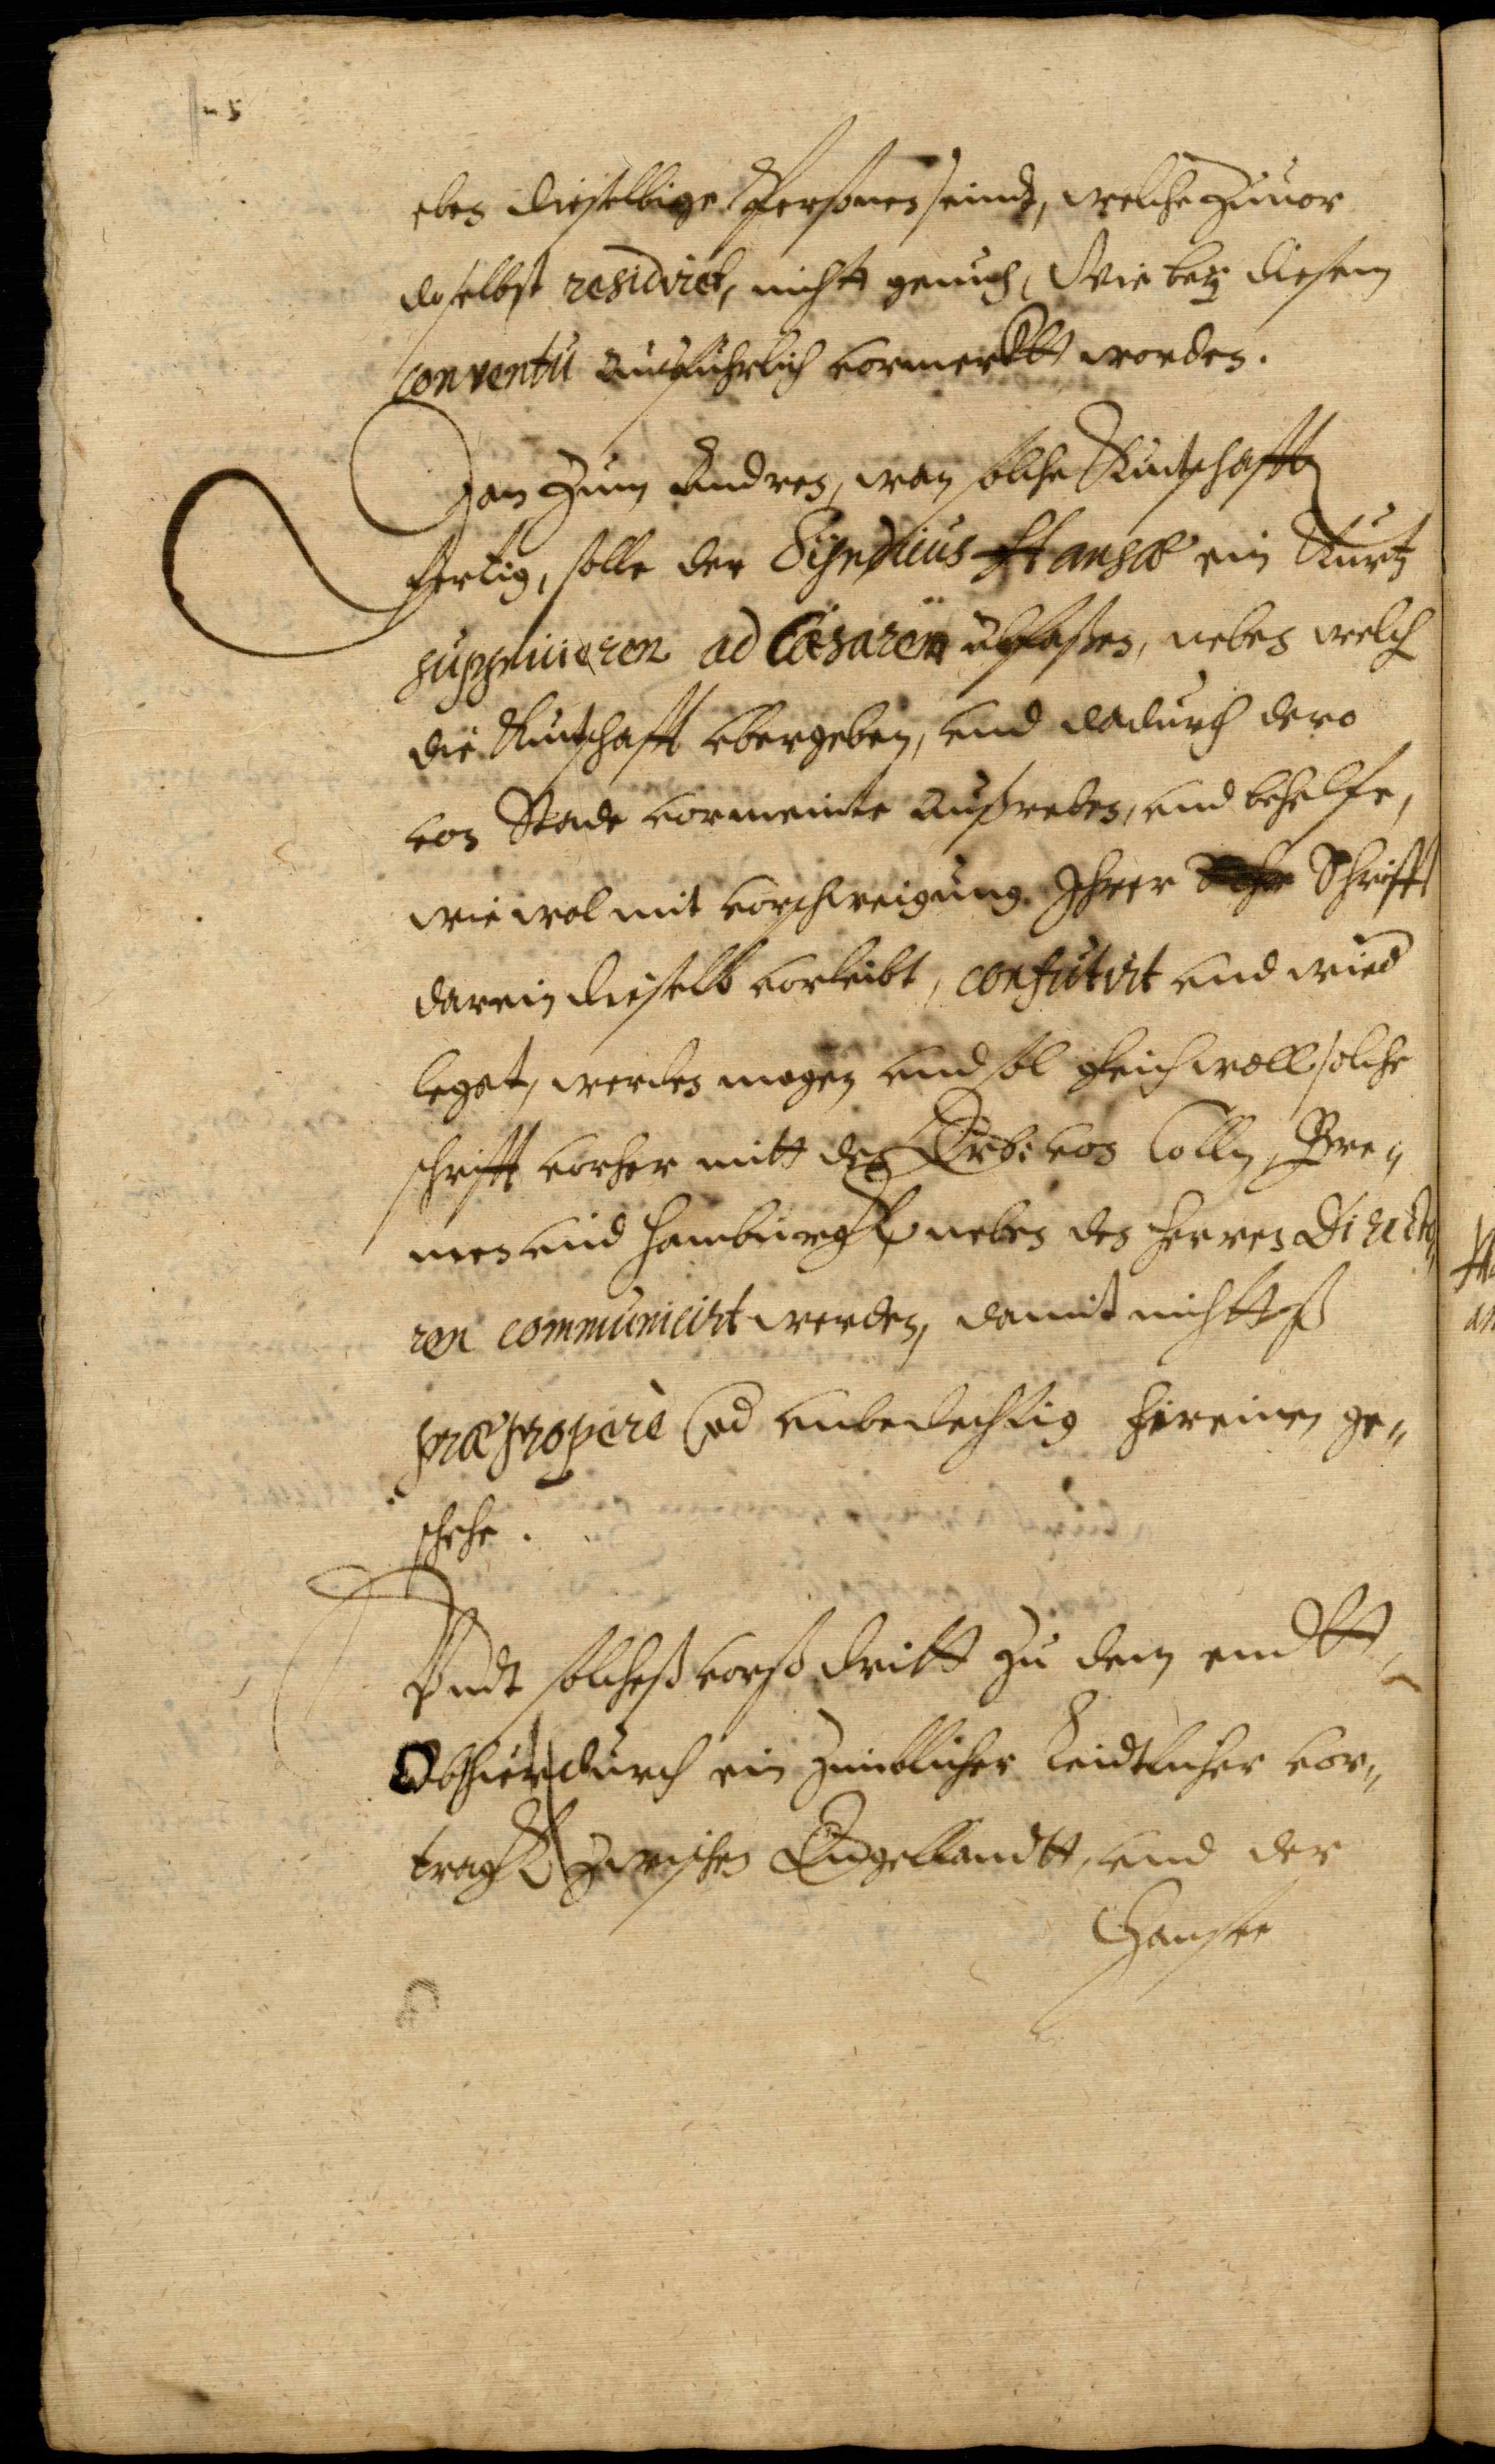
eben dieselbige Personen seind, welche zuuor
daselbst residiret, nichtt genug, Wie beij diesem
conventu ausfuhrlich vormerktt worden.
Dan zum Andren, wan solche Kuntschafften
fertig, solle der Sijndicus Hansae ein Kurtz
supplicieren ad Caesaren Abfaßen, neben welchen
die Kuntschafft vbergeben, vnd dadurch dero
von Stade vormeinte Außreden, vnd behelfe,
wie wol mit vorschweigung Ihrer Schr Schrifft
darein dieselb vorleibt, confutirt vnd wieder
leget, werden mogen vnd soll gleich woll solche
schrifft vorher mitt den Erb: von Colln, Bre¬
men vnd Hamburgk, neben den herren directo¬
ren communicirt werden, damit nichttß
praepropere oder vnbedechtig hireinn ge¬
schehe.
Vndt solches vorß dritt zu dem endtt,
Ob hierdurch ein zimblicher Leidtlicher vor¬
tragk zwischen Engellandtt, vnd der
Hansee
